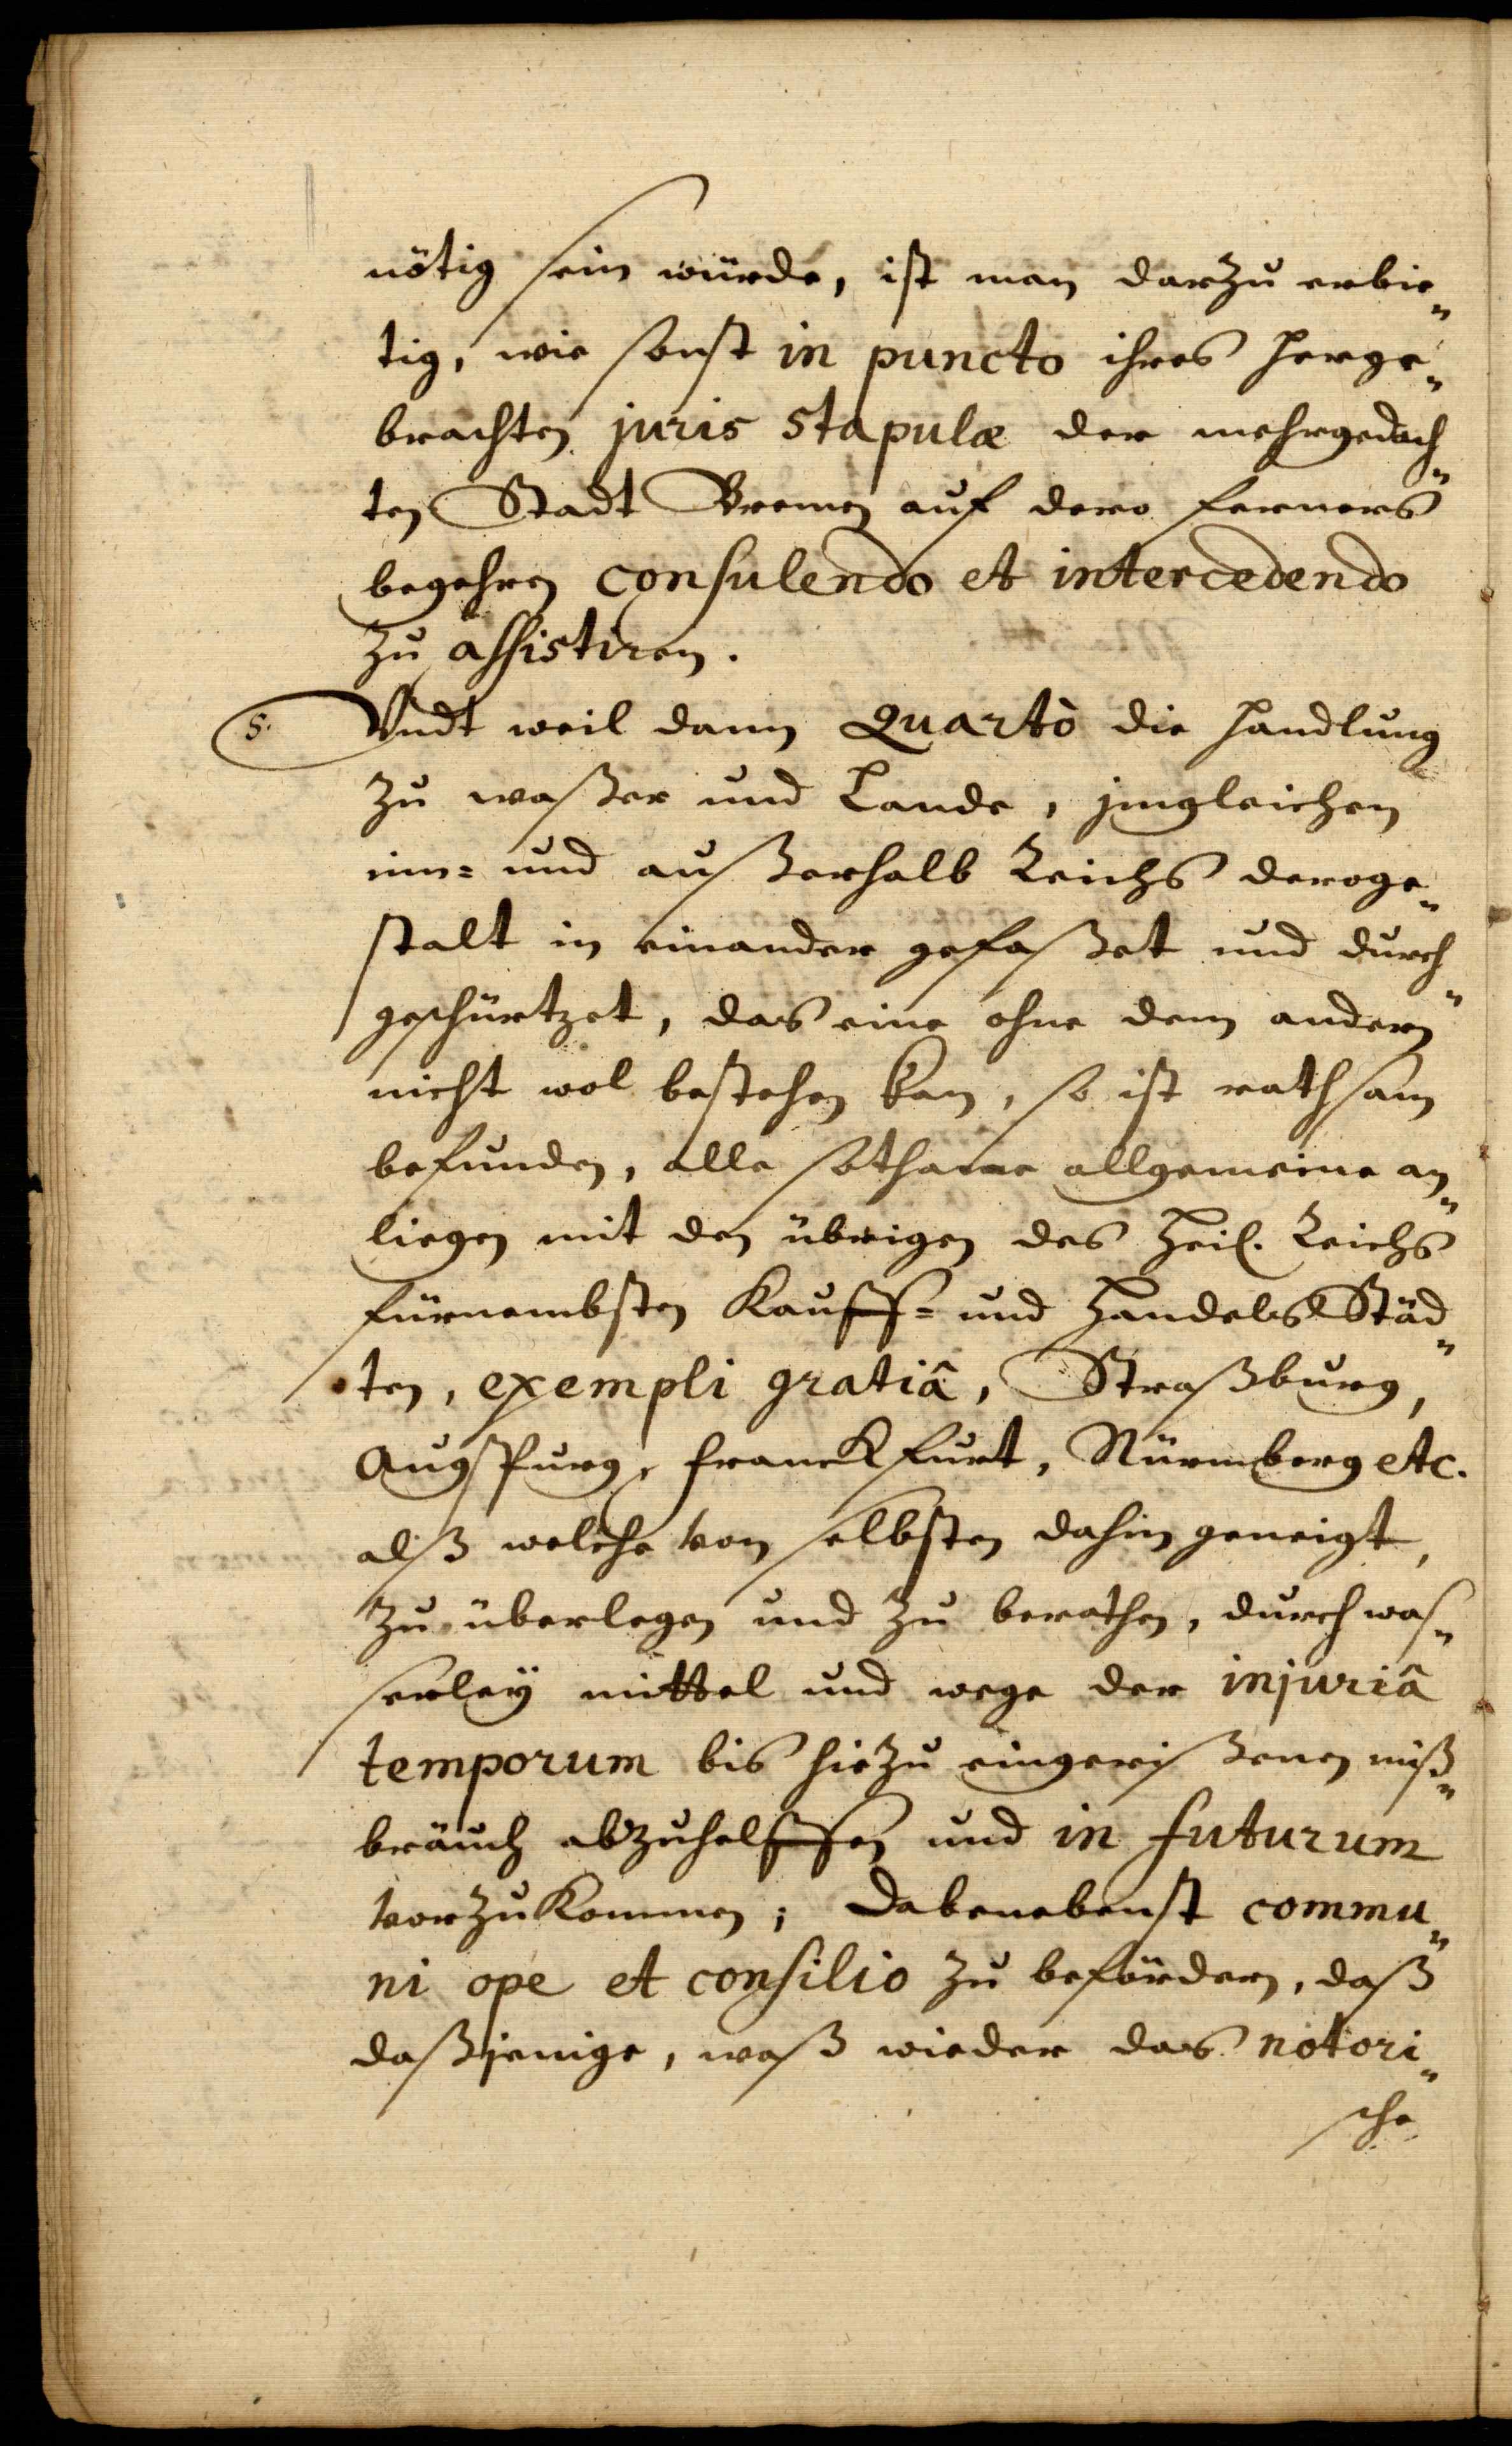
nötig sein würde, ist man darzu erbie¬
tig, wie sonst in puncto ihres Herge¬
brachten juris stapulae der mehrgedach¬
ten Stadt Bremen auf dero ferners
begehren consulendo et intercedendo
zu assistieren.
Vndt weil dann Quarto die Handlung
zu waßer und Lande, jmgleichen
inn= und außerhalb Reichs deroge¬
stalt in einander gefaßet und durch¬
geschürtzet, das eine ohne dem anderen
nicht wol bestehen kann, so ist rathsam
befunden, alle sothane allgemeine an¬
liegen mit den übrigen des Heil. Reichs
fürnembsten Kauff= und Handels Städ¬
ten, exempli gratiâ, Straßburg,
Augspurg, Franckfurt, Nürmberg etc.
alß welche von selbsten dahin geneigt,
zu überlegen und zu berathen, durch was¬
serleij mittel und wege der injuriâ
temporum bis hiezu eingerißenen miß¬
bräuch abzuhelffen und in futurum
vorzukommen; dabenebenst commu¬
ni ope et consilio zu befördern, daß
daßjenige, waß wieder das notori¬
sche
